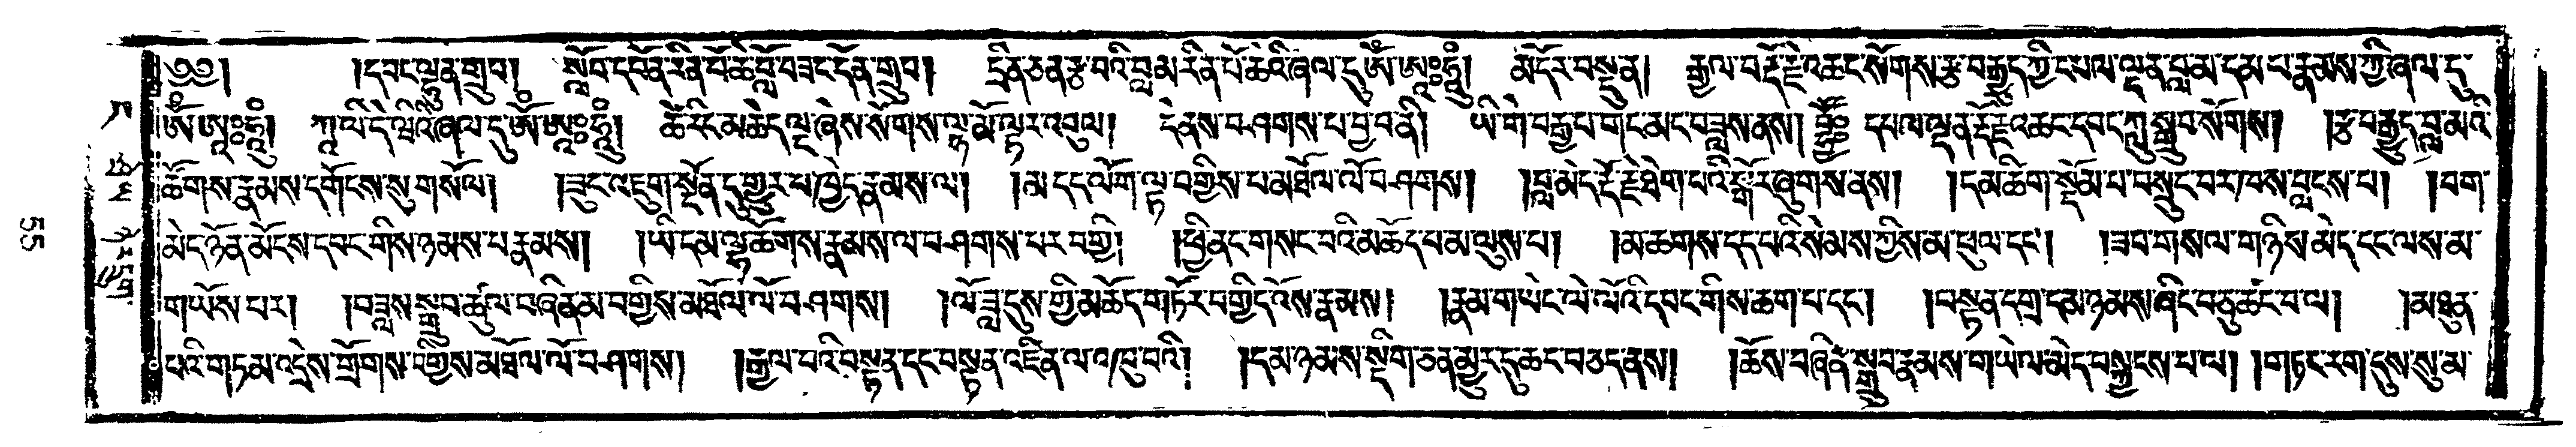༄༅། །དབང་ལྷུན་གྲུབ། སློབ་དཔོན་རིན་པོ་ཆེ་བློ་བཟང་དོན་གྲུབ། དྲིན་ཅན་རྩ་བའི་བླ་མ་རིན་པོ་ཆེའི་ཞལ་དུ་ཨོཾ་ཨཱཿཧཱུཾ། མདོར་བསྡུ་ན། རྒྱལ་བ་རྡོ་རྗེ་འཆང་སོགས་རྩ་བརྒྱུད་ཀྱི་དཔལ་ལྡན་བླ་མ་དམ་པ་རྣམས་ཀྱི་ཞལ་དུ་
ཨོཾ་ཨཱཿཧཱུཾ། ཀཱ་ལི་དེ་ཝིའི་ཞལ་དུ་ཨོཾ་ཨཱཿཧཱུཾ། ཚེ་རིང་མཆེད་ལྔ་ཞེས་སོགས་ལྷ་མོ་ལྟར་འབུལ། དེ་ནས་བཤགས་པ་བྱ་བ་ནི། ཡི་གེ་བརྒྱ་པ་གང་མང་བཟླས་ནས། བྷྱཽཿ དཔལ་ལྡན་རྡོ་རྗེ་འཆང་དབང་ཀླུ་སྒྲུབ་སོགས། །རྩ་བརྒྱུད་བླ་མའི་
ཚོགས་རྣམས་དགོངས་སུ་གསོལ། །ཟུང་འཇུག་སྔོན་དུ་གྱུར་པ་ཁྱེད་རྣམས་ལ། །མ་དད་ལོག་ལྟ་བགྱིས་པ་མཐོལ་ལོ་བཤགས། །བླ་མེད་རྡོ་རྗེ་ཐེག་པའི་སྒོར་ཞུགས་ནས། །དམ་ཚིག་སྡོམ་པ་བསྲུང་བར་ཁས་བླངས་པ། །བག་
མེད་ཉོན་མོངས་དབང་གིས་ཉམས་པ་རྣམས། །ཡི་དམ་ལྷ་ཚོགས་རྣམས་ལ་བཤགས་པར་བགྱི། །ཕྱི་ནང་གསང་བའི་མཆོད་པ་མ་ལུས་པ། །མ་ཆགས་དད་པའི་སེམས་ཀྱིས་མ་ཕུལ་དང་། །ཟབ་གསལ་གཉིས་མེད་ངག་ལས་མ་
གཡོས་པར། །བཟླས་སྒྲུབ་ཚུལ་བཞིན་མ་བགྱིས་མཐོལ་ལོ་བཤགས། །ལོ་ཟླ་དུས་ཀྱི་མཆོད་གཏོར་བགྱིད་འོས་རྣམས། །རྣམ་གཡེང་ལེ་ལོའི་དབང་གིས་ཆག་པ་དང་། །བསྟན་དགྲ་དམ་ཉམས་ཞིང་བཅུ་ཚང་བ་ལ། །མཐུན་
པའི་གཏམ་འདྲེས་གྲོགས་བགྱིས་མཐོལ་ལོ་བཤགས། །རྒྱལ་བའི་བསྟན་དང་བསྟན་འཛིན་ལ་འཁུ་བའི། །དམ་ཉམས་སྡིག་ཅན་མྱུར་དུ་ཆང་བཅད་ནས། །ཆོས་བཞིན་སྒྲུབ་རྣམས་གཡེལ་མེད་བསྐྱངས་པ་ལ། །གཏང་རག་དུས་སུ་མ་